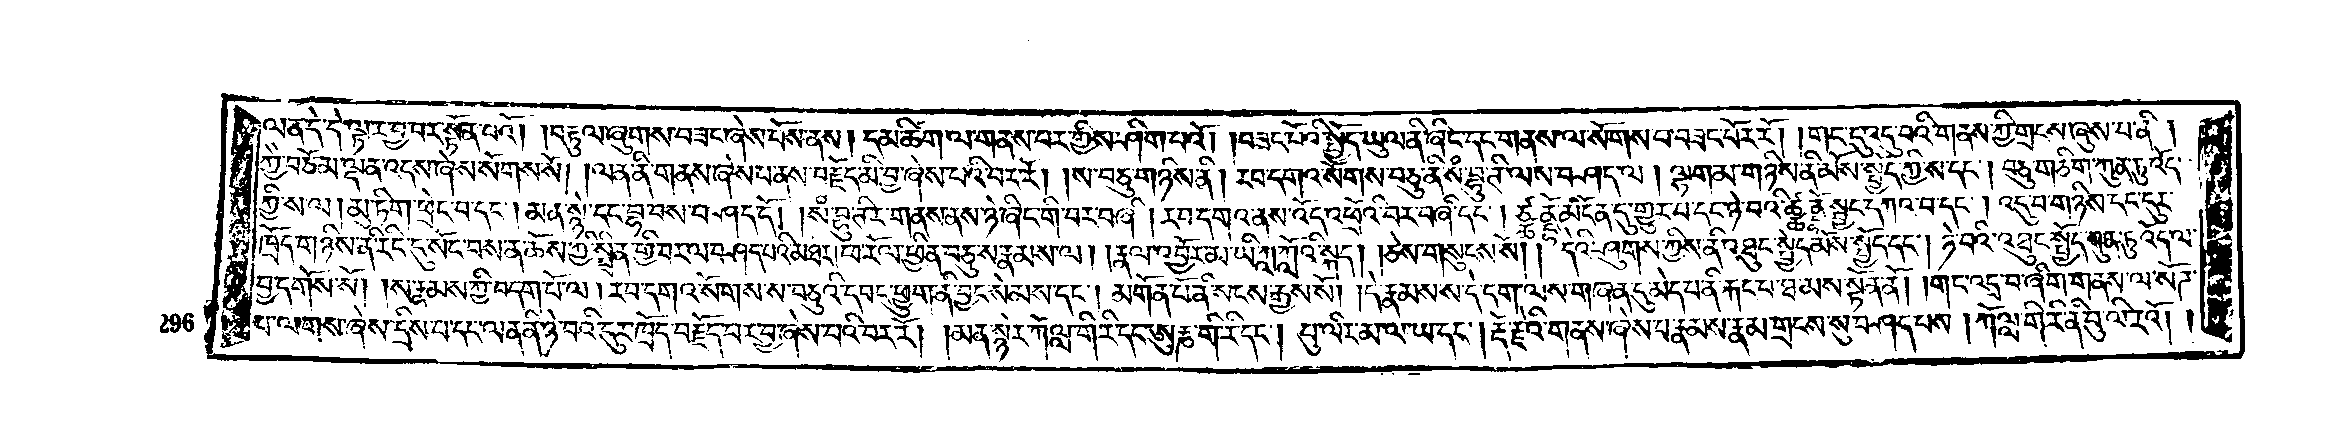ལན་དེ་དེ་ལྟར་བྱ་བར་སྟོན་པའོ། །བརྟུལ་ཞུགས་བཟང་ཞེས་པོས་ནས། དམ་ཚིག་ལ་གནས་པར་གྱིས་ཤིག་པའོ། །བཟང་པོའི་སྤྱོད་ཡུལ་ནི་ཞིང་དང་གནས་ལ་སོགས་པ་བཟང་པོར་རོ། །གང་དུ་འདུ་བའི་གནས་ཀྱི་གྲངས་ཞུས་པ་ནི།
ཀྱཻ་བཅོམ་ལྡན་འདས་ཞེས་སོགས་སོ། །ལན་ནི་གནས་ཞེས་པ་ནས་བརྗོད་མི་བྱ་ཞེས་པའི་བར་རོ། །ས་བཅུ་གཉིས་ནི། རབ་དགའ་སོགས་བཅུ་ནི་སཾ་བྷུ་ཊི་ལས་བཤད་ལ། ལྷག་མ་གཉིས་ནི་མོས་སྤྱོད་ཀྱི་ས་དང་། བཅུ་གཅིག་ཀུན་ཏུ་འོད་
ཀྱི་ས་ལ། མུ་ཏིག་ཕྲེང་བ་དང་། མན་སྙེ་དང་བྷ་བས་བཤད་དོ། །སཾ་བྷུ་ཊིར་གནས་ནས་ཉེ་ཞིང་གི་བར་བཞི། རབ་དགའ་ནས་འོད་འཕྲོའི་བར་བཞི་དང་། ཙྪ་ནྡྷོ་མདོན་དུ་གྱུར་པ་དང་ཉེ་བའི་ཚྩ་ནྡྷོ་སྦྱང་དཀའ་བ་དང་། འདུ་བ་གཉིས་དང་དུར་
ཁྲོད་གཉིས་ནི་རིང་དུ་སོང་བས་ན་ཆོས་ཀྱི་སྤྲིན་གྱི་བར་ལ་བཤད་པའི་མཐར། ཕ་རོལ་ཕྱིན་བཅུ་ས་རྣམས་ལ། །རྣལ་འབྱོར་མ་ཡི་ཀླ་ཀློའི་སྐད། །ཅེས་གསུངས་སོ། །དེའི་ཤུགས་ཀྱིས་ནི་འཐུང་སྤྱེད་མོས་སྤྱོད་དང་། ཉེ་བའི་འཐུང་སྤྱོད་ཀུན་ཏུ་འོད་ལ་
བྱ་དགོས་སོ། །ས་རྣམས་ཀྱི་བདག་པོ་ལ། རབ་དགའ་སོགས་ས་བཅུའི་དབང་ཕྱུག་ནི་བྱང་སེམས་དང་། མགོན་པོ་ནི་སངས་རྒྱས་སོ། །དེ་རྣམས་ས་དེ་དག་ལས་གཞན་དུ་མེད་པ་ནི་རྐང་པ་ཐ་མས་སྟོན་ནི། །གང་འདྲ་བ་ཞིག་གནས་ལ་སོགས་
པ་ལགས་ཞེས་དྲིས་པ་དང་ལན་ནི་ཉེ་བའི་དུར་ཁྲོད་བརྗོད་པར་བྱ་ཞེས་པའི་བར་རོ། །མན་སྙེར་ཀོལླ་གི་རི་དང་ཨུརྞ་གི་རི་དང་། པུ་ལིར་མ་ལ་ཡ་དང་། རྡོ་རྗེའི་གནས་ཞེས་པ་རྣམས་རྣམ་གྲངས་སུ་བཤད་པས། ཀོལླ་གི་རི་ནི་བུ་ལི་རའོ། །